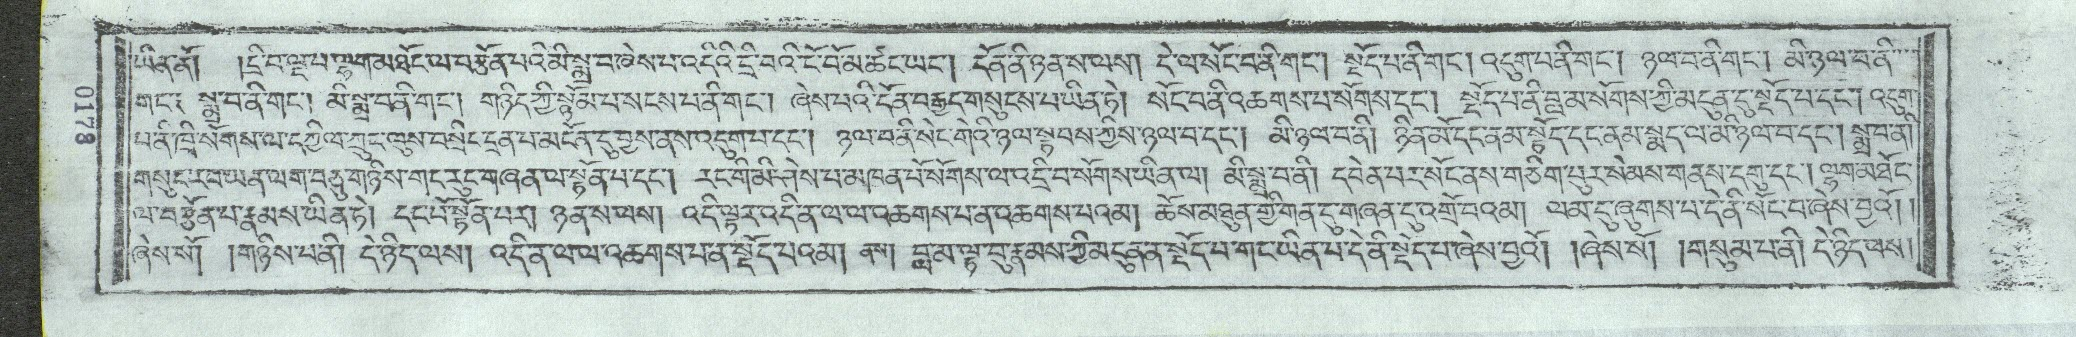ཡིན་ནོ། །དྲི་བ་ལྔ་པ་ལྷག་མཐོང་ལ་བརྩོན་པའི་མི་སྨྲ་བ་ཞེས་པ་འདིའི་དྲི་བའི་ངོ་བོ་མ་ཚང་ཡང་། དོན་ནི་ཉན་ས་ལས། དེ་ལ་སོང་བ་ནི་གང་། སྡོད་པ་ནི་གང་། འདུག་པ་ནི་གང་། ཉལ་བ་ནི་གང་། མི་ཉལ་བ་ནི་
གང༑ སྨྲ་བ་ནི་གང་། མི་སྨྲ་བ་ནི་གང་། གཉིད་ཀྱི་སྙོམ་པ་སངས་པ་ནི་གང་། ཞེས་པའི་དོན་བརྒྱད་གསུངས་པ་ཡིན་ཏེ། སོང་བ་ནི་འཆགས་པ་སོགས་དང་། སྡོད་པ་ནི་བླ་མ་སོགས་ཀྱི་མདུན་དུ་སྡོད་པ་དང་། འདུག་
པ་ནི་ཁྲི་སོགས་ལ་དཀྱིལ་ཀྲུང་ལུས་བསྲིང་དྲན་པ་མངོན་དུ་བྱས་ནས་འདུག་པ་དང་། ཉལ་བ་ནི་སེང་གེའི་ཉལ་སྟབས་ཀྱིས་ཉལ་བ་དང་། མི་ཉལ་བ་ནི། ཉིན་མོ་དང་ནམ་སྟོད་དང་ནམ་སྨད་ལ་མི་ཉལ་བ་དང་། སྨྲ་བ་ནི།
གསུང་རབ་ཡན་ལག་བཅུ་གཉིས་གང་རུང་གཞན་ལ་སྟོན་པ་དང་། རང་གི་མི་ཤེས་པ་མཁན་པོ་སོགས་ལ་འདྲི་བ་སོགས་ཡིན་ལ། མི་སྨྲ་བ་ནི། དབེན་པར་སོང་ནས་གཅིག་པུར་སེམས་གནས་དགུ་དང་། ལྷག་མཐོང་
ལ་བརྩོན་པ་རྣམས་ཡིན་ཏེ། དང་པོ་སྟོན་པར། ཉན་ས་ལས། འདི་ལྟར་འདི་ན་ལ་ལ་འཆགས་པ་ན་འཆགས་པའམ། ཆོས་མཐུན་གྱི་གན་དུ་གཞན་དུ་འགྲོ་བའམ། ལམ་དུ་ཞུགས་པ་དེ་ནི་སོང་བ་ཞེས་བྱའོ།།
ཞེས་སོ། །གཉིས་པ་ནི། དེ་ཉིད་ལས། འདི་ན་ལ་ལ་འཆགས་པ་ན་སྡོད་པའམ། ནས། བླ་མ་ལྟ་བུ་རྣམས་ཀྱི་མདུན་ན་སྡོད་པ་གང་ཡིན་པ་དེ་ནི་སྡེད་པ་ཞེས་བྱའོ། །ཞེས་སོ། །གསུམ་པ་ནི། དེ་ཉིད་ལས།